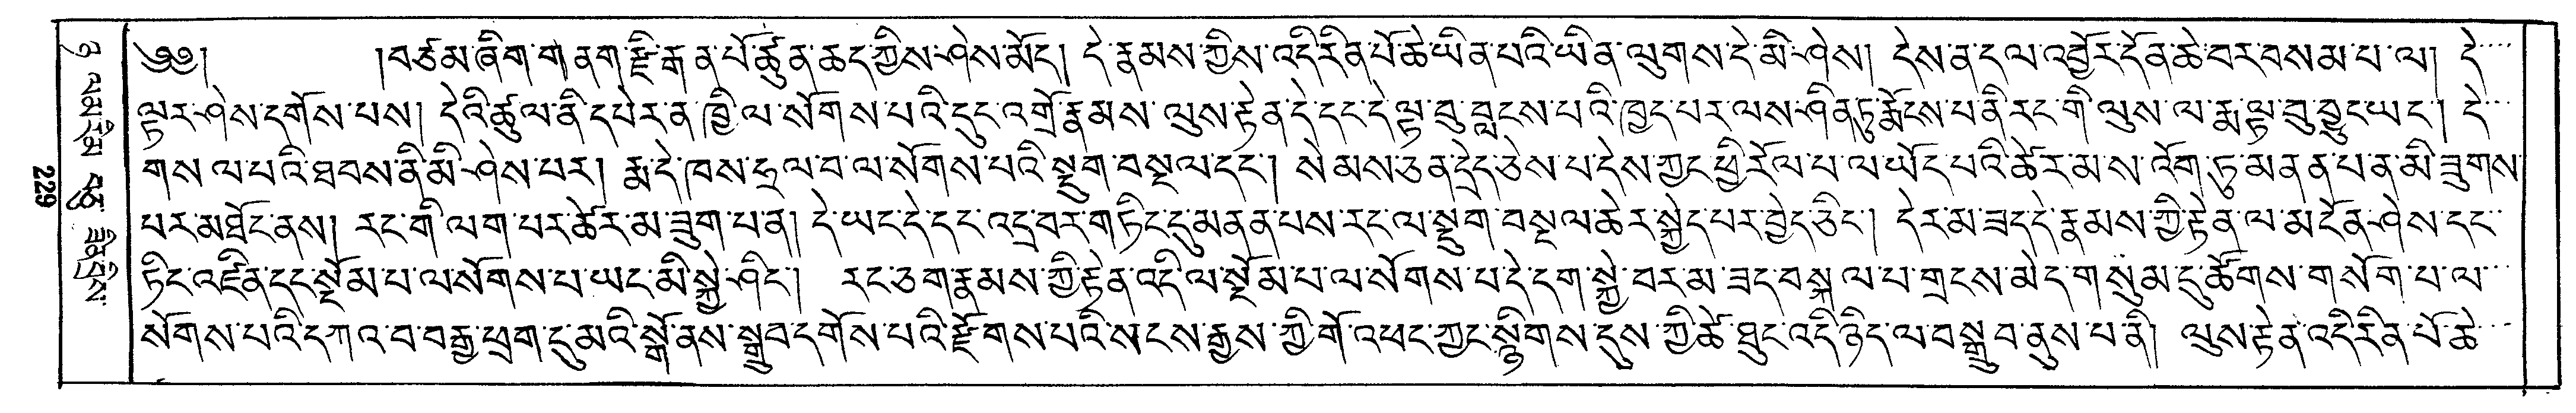༄༅། །བ་ཙམ་ཞིག་གནག་རྫི་རྒན་པོ་ཚུན་ཆད་ཀྱིས་ཤེས་མོད། དེ་རྣམས་ཀྱིས་འདི་རིན་པོ་ཆེ་ཡིན་པའི་ཡིན་ལུགས་དེ་མི་ཤེས། དེས་ན་དལ་འབྱོར་དོན་ཆེ་བར་བསམ་པ་ལ། དེ་
ལྟར་ཤེས་དགོས་པས། དེའི་ཚུལ་ནི་དཔེར་ན་ཁྱི་ལ་སོགས་པའི་དུད་འགྲོ་རྣམས་ལུས་རྟེན་དེ་དང་དེ་ལྟ་བུ་བླངས་པའི་ཁྱད་པར་ལས་ཤིན་ཏུ་རྨོངས་པ་ནི་རང་གི་ལུས་ལ་རྨ་ལྟ་བུ་བྱུང་ཡང་། དེ་
གསལ་པའི་ཐབས་ནི་མི་ཤེས་པར། རྨ་དེ་ཁས་ཧྲལ་བ་ལ་སོགས་པའི་སྡུག་བསྔལ་དང་། སེམས་ཅན་དྲེད་ཅེས་པ་དེས་ཀྱང་ཕྱི་རོལ་པ་ལ་ཡོད་པའི་ཚེར་མ་ས་འོག་ཏུ་མནན་པ་ན་མི་ཟུགས་
པར་མཐོང་ནས། རང་གི་ལག་པར་ཚེར་མ་ཟུག་པ་ན། དེ་ཡང་དེ་དང་འདྲ་བར་གཏིང་དུ་མནན་པས་རང་ལ་སྡུག་བསྔལ་ཆེར་སྐྱེད་པར་བྱེད་ཅིང་། དེར་མ་ཟད་དེ་རྣམས་ཀྱི་རྟེན་ལ་མངོན་ཤེས་དང་
ཏིང་འཛིན་དང་སྡོམ་པ་ལ་སོགས་པ་ཡང་མི་སྐྱེ་ཤིང་། རང་ཅག་རྣམས་ཀྱི་རྟེན་འདི་ལ་སྡོམ་པ་ལ་སོགས་པ་དེ་དག་སྐྱེ་བར་མ་ཟད་བསྐལ་པ་གྲངས་མེད་གསུམ་དུ་ཚོགས་གསོག་པ་ལ་
སོགས་པའི་དཀའ་བ་བརྒྱ་ཕྲག་དུ་མའི་སྒོ་ནས་སྒྲུབ་དགོས་པའི་རྫོགས་པའི་སངས་རྒྱས་ཀྱི་གོ་འཕང་ཀྱང་སྙིགས་དུས་ཀྱི་ཚེ་ཐུང་འདི་ཉིད་ལ་བསྒྲུབ་ནུས་པ་ནི། ལུས་རྟེན་འདི་རིན་པོ་ཆེ་